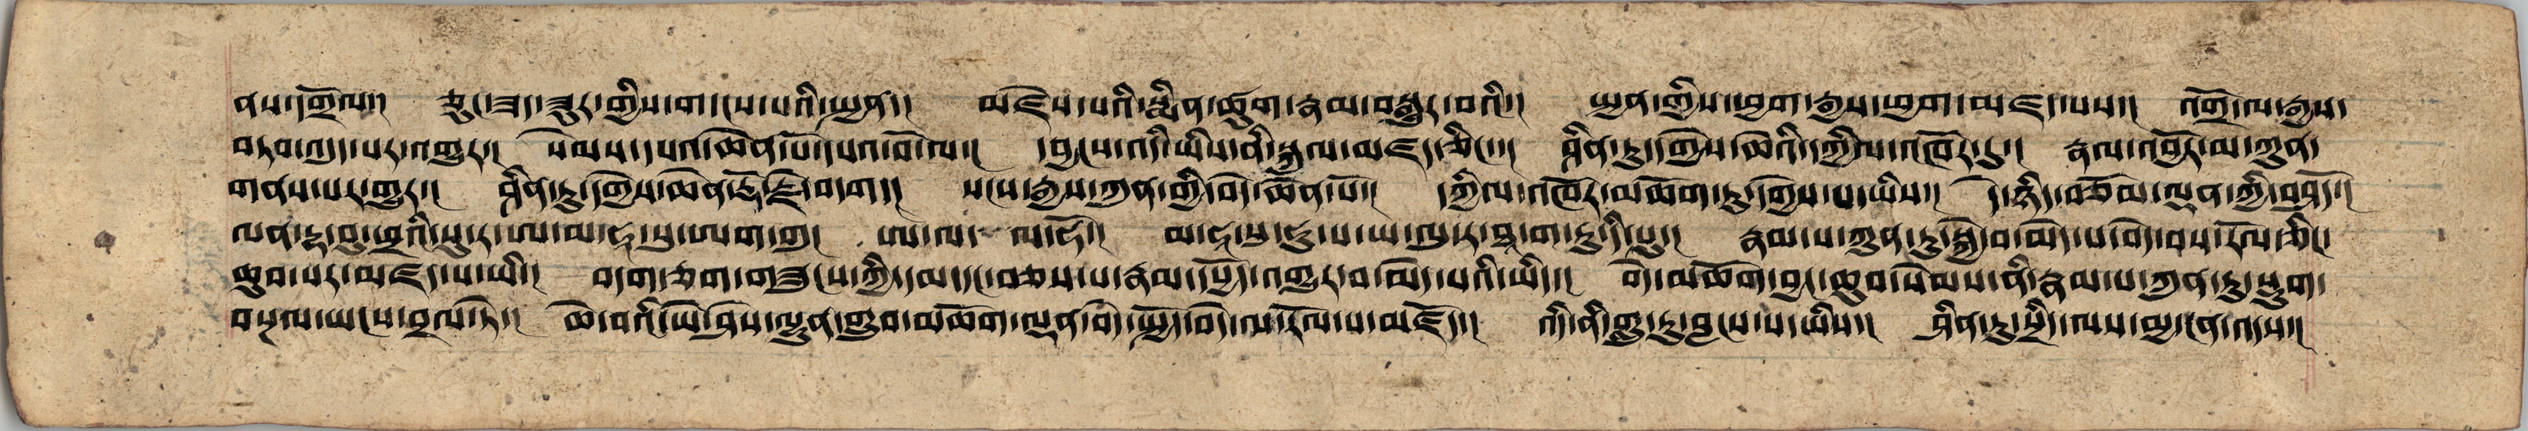ནས་དགྲོལ་། ཅུང་ཟད་ཟུར་གྱིས་གདངས་པའི་སྤྱན་། མཛེས་པའི་སྨིན་ཚུག་རྣམ་བསྒྱུར་བའི་། སྤྱན་གྱིས་ཕྱག་རྒྱས་ཕྱག་མཛད་པས་། འགྲོ་ལ་རྒྱས་
བཏབ་འདུད་པར་འགྱུར་། སེམས་དཔའ་ཆེན་པོ་དཔའ་བོ་ལ་། དབྱངས་འདི་ཡིས་ནི་སྐུལ་མཛད་ཅིང་་། ཤིན་ཏུ་དགྱེས་ཆེའི་དཀྱིལ་འཁོར་དུ་། རྣལ་འབྱོར་མ་ཀུན་
གནས་པར་གྱུར་། ཤིན་ཏུ་དགྱེས་ཆེན་རྡོ་རྗེ་བདག་། སངས་རྒྱས་ཀུན་གྱི་བདེ་ཆེན་པོ་། དཀྱིལ་འཁོར་མཆོག་ཏུ་དགྱེས་པ་ཡིས་། དེ་ཉིད་བཅོམ་ལྡན་ཀྱི་བཤདོ་།
ལན་དྷ་བུ་ཕྲའི་སུ་ར་ཨ་མ་ཧཱ་སུ་ཨག་གུ། ཨ་ལ་ ལ་ཧོ་། མ་ཧཱ་སུ་ཧུ་ས་ཡ་ལུ་ར་ཐཱ་ག་ཏུ་དི་པུ་། རྣམ་པ་ཀུན་ཏུ་སྐྱེ་བ་མེད་པ་བདེ་བས་རོལ་ཅིང་
ཆུབ་པར་མཛད་པ་ཡི་། བདག་ཅག་གཟུངས་ཀྱི་དམ་དང་བཅས་པ་རྣམ་དཔྱོད་འགྱུར་བ་མེད་པའི་ཡིད་། བདེ་མཆོག་བྱང་ཆུབ་སེམས་ནི་རྣམ་པ་ཀུན་ཏུ་སྡུག་
བསྔལ་ཡངས་བྲལ་ཏེ་། ཆེ་བའི་ཡེ་ཤེས་ལྷུན་གྲུབ་མཆོག་ལྡན་བདེ་སྤྱོད་བདེ་ལ་རོལ་པ་མཛོད་། འདི་ནི་གླུ་རུ་བླངས་པ་ཡིས་། ཤིན་ཏུ་སྲིད་ལས་མྱ་ངན་འདས་།